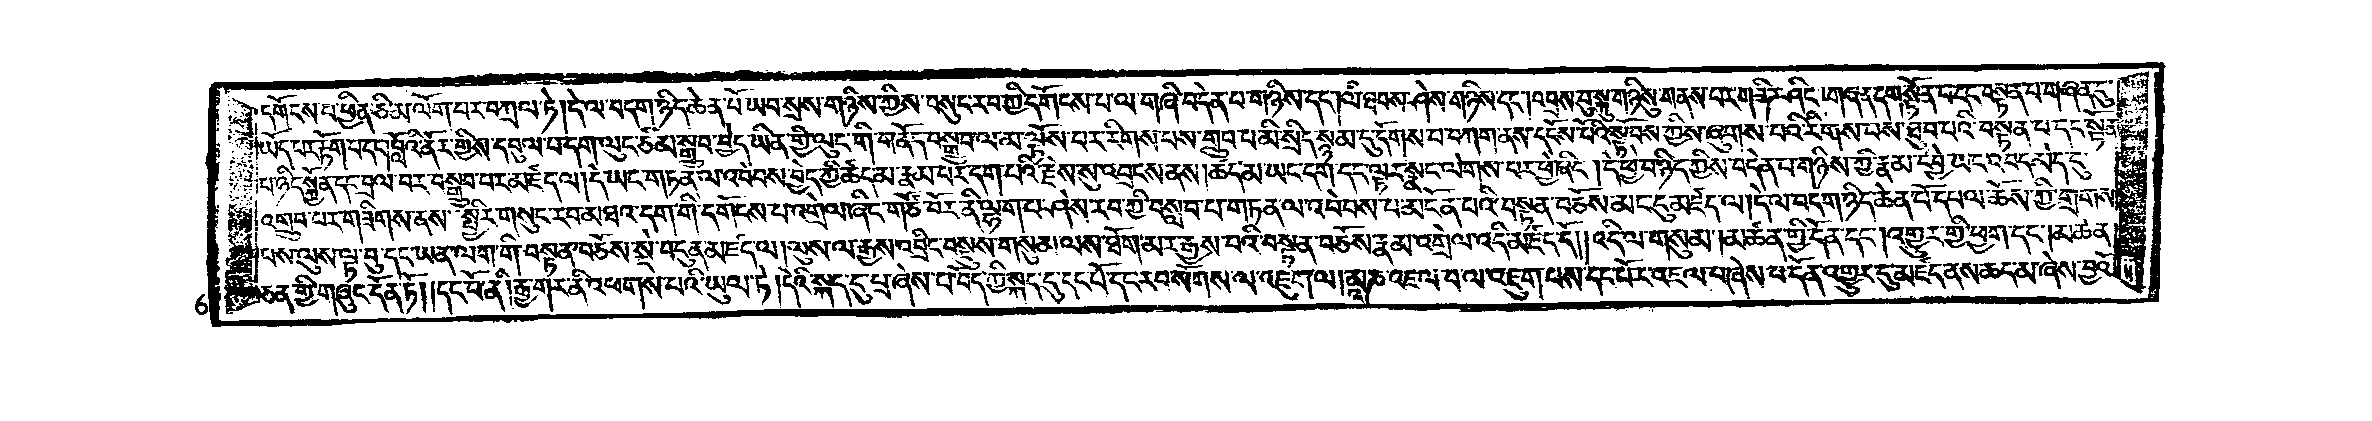དགོངས་པ་ཕྱིན་ཅི་མ་ལོག་པར་བཀྲལ་ཏེ། དེ་ལ་བདག་ཉིད་ཆེན་པོ་ཡབ་སྲས་གཉིས་ཀྱིས་བསུང་རབ་ཀྱི་དགོངས་པ་ལ་གཞི་བདེན་པ་གཉིས་དང་། ལཾ་ཐབས་ཤེས་གཉིས་དང་། འབྲས་བུ་སྐུ་གཉིས་སུ་གནས་པར་གཟིཌ་ཤིང་། གཞན་དག་སྟོན་པ་དང་བསྟན་པ་གཞན་དུ་
ཡོད་པར་རྟོག་པ་དང་། བློའི་ནོར་གྱིས་དབུལ་པ་དག་ལུང་ཙམ་སྒྲུབ་བྱེད་ཡིན་གྱི་ལུང་གི་གནོད་བསྒྲུབ་ལ་མ་ལྟོས་པར་རིགས་པས་གྲུབ་པ་མི་སྲིད་སྙམ་དུ་དོགས་པ་བཀག་ནས་དངོས་པོའི་སྟོབས་ཀྱིས་ཞུགས་པའི་རིགས་པས་ཐུབ་པའི་བསྟན་པ་དང་སྟོན་
པ་ཉིད་སྐྱོན་དང་བྲལ་བར་བསྒྲུབ་པར་མཛད་ལ། དེ་ཡང་གཏན་ལ་འབེབས་བྱེད་ཀྱི་ཚད་མ་རྣམ་པར་དག་པའི་རྗེས་སུ་འབྲངས་ནས། ཚད་མ་ཡང་དག་དང་ལྟར་སྣང་ལེགས་པར་ཕྱེ་ཞིང་། དེ་ཕྱེ་བ་ཉིད་ཀྱིས་བདེན་པ་གཉིས་ཀྱི་རྣམ་དབྱེ་ཡང་འབད་མེད་དུ་
འགྲུབ་པར་གཟིགས་ནས་སྤྱིར་གསུང་རབ་མཐའ་དག་གི་དགོངས་པ་འགྲེལ་ཞིང་གཙོ་བོར་ནི་ལྷག་པ་ཤེས་རབ་ཀྱི་བསླབ་པ་གཏན་ལ་འབེབས་པ་མངོན་པའི་བསྟན་བཅོས་མང་དུ་མཛད་ལ། དེ་ལ་བདག་ཉིད་ཆེན་པོ་དཔལ་ཆོས་ཀྱི་གྲགས་
པས་ལུས་ལྟ་བུ་དང་ཡན་ལག་གི་བསྟན་བཅོས་སྡེ་བདུན་མཛད་ལ། ལུས་ལ་རྒྱས་འབྲིང་བསྡུས་གསུམ་ལས་ཐོག་མར་རྒྱས་པའི་བསྟན་བཅོས་རྣམ་འགྲེལ་འདི་མཛད་དོ།། །མཚན་གྱི་དོན་དང་། འགྱུར་གྱི་ཕྱག་དང་། མཚན་
ཅན་གྱི་གཞུང་དོན་ཏོ། །དང་པོ་ནི། རྒྱ་གར་ནི་འཕགས་པའི་ཡུལ་ཏེ། དེའི་སྐད་དུ་ཕྲ་ཞེས་པ་བོད་ཀྱི་སྐད་དུ་དང་པོ་དང་རབ་སོགས་ལ་འཇུག་ལ། མཱཎ་འཇལ་བ་ལ་འཇུག་པས་དང་པོར་འཇལ་བ་ཞེས་པ་དོན་འགྱུར་དུ་མཛད་ནས་ཚད་མ་ཞེས་བྱའོ།།